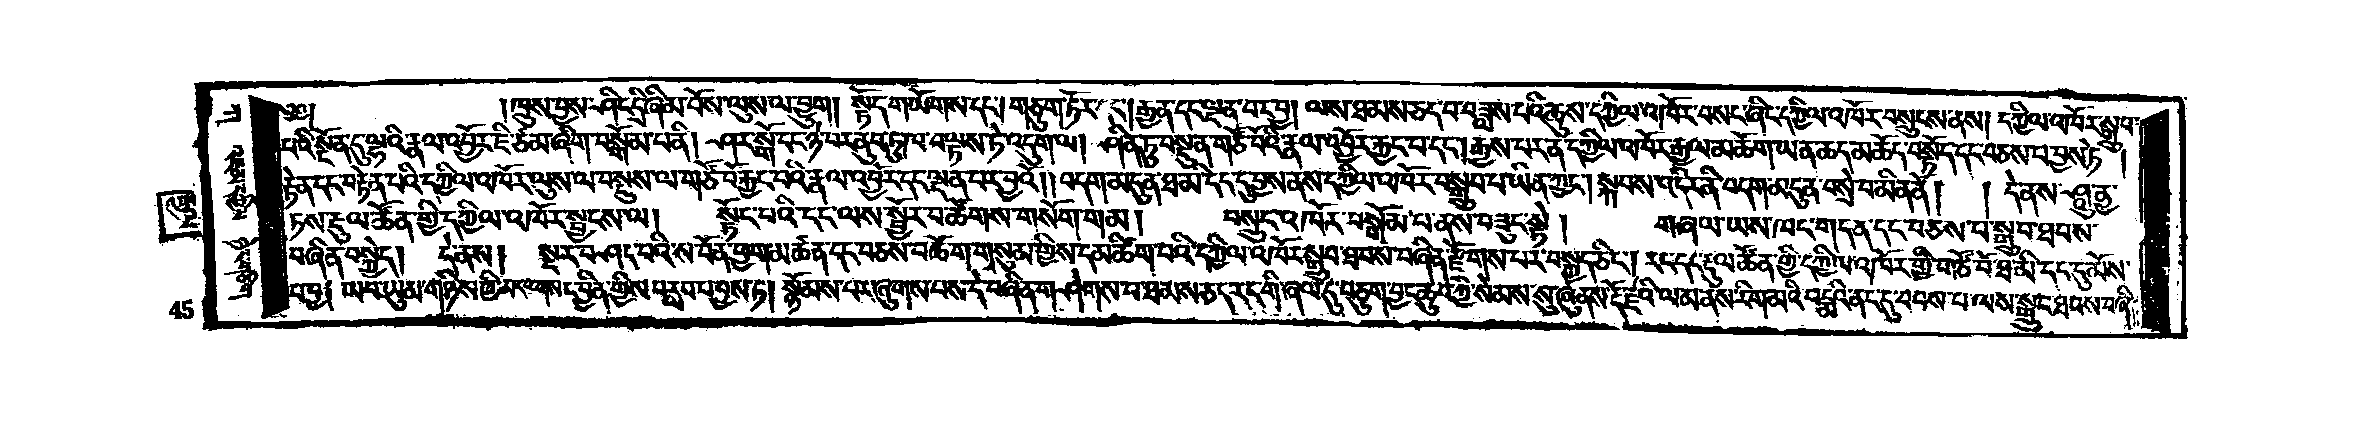༄༅། །ཁྲུས་བྱས་ཤིང་དྲི་ཞིམ་པོས་ལུས་ལ་བྱུག །སྟོད་གཡོགས་དང་། གཅུག་ཏོར་དང་། རྒྱན་དང་ལྡན་པར་བྱ། ལས་ཐམས་ཅད་པ་བཟླས་པའི་ཆུས་དཀྱིལ་འཁོར་བསང་ཞིང་དཀྱིལ་འཁོར་བསྲུངས་ནས། དཀྱིལ་འཁོར་སྒྲུབ་
པའི་སྔོན་དུ་ལྷའི་རྣལ་འབྱོར་ཇི་ཙམ་ཞིག་བསྒོམ་པ་ནི། ཤར་སྒོ་དང་ཉེ་བར་ནུབ་ཏུ་ཁ་བལྟས་ཏེ་འདུག་ལ། ཤིན་ཏུ་བསྡུ་ན་གཙོ་བོའི་རྣལ་འབྱོར་རྐྱང་པ་དང་། རྒྱས་པར་ན་དཀྱིལ་འཁོར་རྒྱལ་མཆོག་ཡན་ཆད་མཆོད་བསྟོད་དང་བཅས་པ་བྱས་ཏེ།
རྟེན་དང་བརྟེན་པའི་དཀྱིལ་འཁོར་ལུས་ལ་བསྡུས་ལ་གཙོ་བོ་རྐྱང་བའི་རྣལ་འབྱོར་དང་ལྡན་པར་བྱའོ། །བདག་མདུན་ཐ་མ་དེད་དུ་བྱས་ནས་དཀྱིལ་འཁོར་བསྒྲུབ་པ་ཡིན་ཀྱང་། སྐབས་འདིར་ནི་བདག་མདུན་བསྲེ་བ་མིན་ནོ། །དེ་ནས་ཤཱུ་ནཡ་
ཏས་རྡུལ་ཚོན་གྱི་དཀྱིལ་འཁོར་སྦྱངས་ལ། སྟོང་པའི་ངང་ལས་སྦྱོར་བ་ཚོགས་གསོག་གམ། བསྲུང་འཁོར་བསྒོམ་པ་ནས་བཟུང་སྟེ། གཞལ་ཡས་ཁང་གདན་དང་བཅས་པ་སྒྲུབ་ཐབས་
བཞིན་བསྐྱེད། དེ་ནས། སྔར་བཤད་པའི་ས་བོན་ཕྱག་མཚན་དང་བཅས་པ་ཆོ་ག་གསུམ་གྱིས་དམ་ཚིག་པའི་དཀྱིལ་འཁོར་སྒྲུབ་ཐབས་བཞིན་རྫོགས་པར་བསྐྱད་ཅིང་། རང་དང་རྡུལ་ཚོན་གྱི་དཀྱིལ་འཁོར་གྱི་གཙོ་བོ་ཐ་མི་དད་དུ་མོས་
པ་བྱ། ཡབ་ཡུམ་གཉིས་ཀྱི་མདའ་གསང་བྱིན་གྱིས་བརླབ་པ་བྱས་ཏེ། སྙོམས་པར་ཞུགས་པས་དེ་བཞིན་གཤེགས་པ་ཐམས་ཅད་རང་གི་ཞལ་དུ་བཅུག་བྱང་ཆུབ་ཀྱི་སེམས་སུ་ཞུ་ནས་རྡོ་རྗེའི་ལམ་ནས་རིག་མའི་པདམའི་ནང་དུ་བབས་པ་ལས་སྒྲུབ་ཐབས་བཞི་